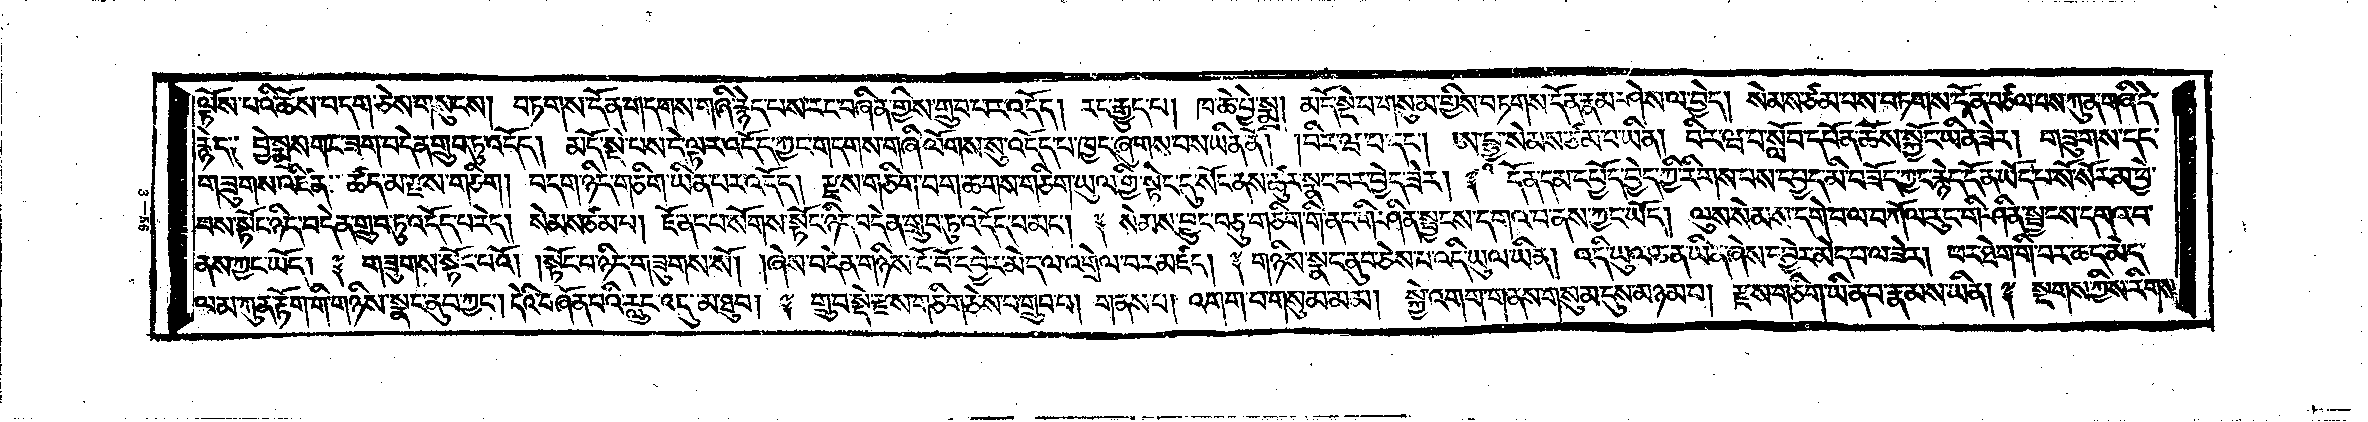ལྟོས་པའི་ཆོས་བདག་ཅེས་གསུངས། བཏགས་དོན་གདགས་གཞི་རྙེད་པས་རང་བཞིན་གྱིས་གྲུབ་པར་འདོད། རང་རྒྱུད་པ། ཁ་ཆེ་བྱེ་སྨྲ། མདོ་སྡེ་པ་གསུམ་གྱིས་བཏགས་དོན་རྣམ་ཤེས་ལ་བྱེད། སེམས་ཙམ་པས་བཏགས་དོན་བཙལ་བས་ཀུན་ད?་ནི་དེ་
རྙེད༑ བྱེ་སྨྲས་གང་ཟག་བདེན་གྲུབ་ཏུ་འདོད། མདོ་སྡེ་པས་དེ་ལྟར་འདོད་ཀྱང་གདགས་གཞི་ལོགས་སུ་འདོད་པ་ཁྱད་ཞུགས་པས་ཡིན་ནོ། །བིར་ཝ་བ་དང་། ཨ་ཕྱཱ་སེམས་ཙམ་བ་ཡིན། བིར་ཝ་པ་སློབ་དཔོན་ཆོས་སྐྱོང་ཡིན་ཟེར། གཟུགས་དང་
གཟུགས་འཛིན་ཚད་མ་རྫས་གཅིག། བདག་ཉིད་གཅིག་ཡིན་པར་འདོད། རྫས་གཅིག་བག་ཆགས་གཅིག་ཡུལ་གྱི་སྟེང་དུ་སོང་ནས་ཚུར་སྣང་བར་བྱེད་ཟེར། ༈ དོན་དམ་དཔྱོད་བྱེད་ཀྱི་རིགས་པས་དཔྱད་མི་བཟོད་ཀྱང་རྙེད་དོན་ཡོད་པ་སོ་སོར་མ་ཕྱེ་
བས་སྟོང་ཉིད་བདེན་གྲུབ་ཏུ་འདོད་པ་རེད། སེམས་ཙམ་པ། ཇོ་ནང་པ་སོགས་སྟོང་ཉིད་བདེན་གྲུབ་ཏུ་འདོད་པ་མང་། ༈ སེམས་བྱུང་བཅུ་གཅིག་གི་ནང་གི་ཤིན་སྦྱངས་དགའ་བ་ནས་ཀྱང་ཡོད། ལུས་སེམས་དགེ་བ་ལ་བཀོལ་རུང་གི་ཤིན་སྦྱངས་དགའ་བ་
ནས་ཀྱང་ཡོད། ༈ གཟུགས་སྟོང་པའོ། །སྟོང་པ་ཉིད་གཟུགས་སོ། །ཞེས་བདེན་གཉིས་ངོ་བོ་དབྱེར་མེད་ལ་འགྲེལ་བར་མཛད། ༈ གཉིས་སྣང་ནུབ་ཅེས་པ་འདི་ཡུལ་ཡིན། འདི་ཡུལ་ཅན་ཡིན་ཞེས་དབྱེར་མེད་པ་ལ་ཟེར། ཕར་ཐེག་གི་བར་ཆད་མེད་
ལམ་ཀུན་རྟོག་གི་གཉིས་སྣང་ནུབ་ཀྱང་། དེའི་བཞོན་པའི་རླུང་འདུ་མ་ཐུབ། ༈ གྲུབ་སྡེ་རྫས་གཅིག་ཅེས་པ་གྲུབ་པ། གནས་པ། འགག་པ་གསུམ་མམ། སྐྱེ་འགག་གནས་གསུམ་དུས་མཉམ་པ། རྫས་གཅིག་ཡིན་པ་རྣམས་ཡིན། ༈ སྔགས་ཀྱིས་རིགས་